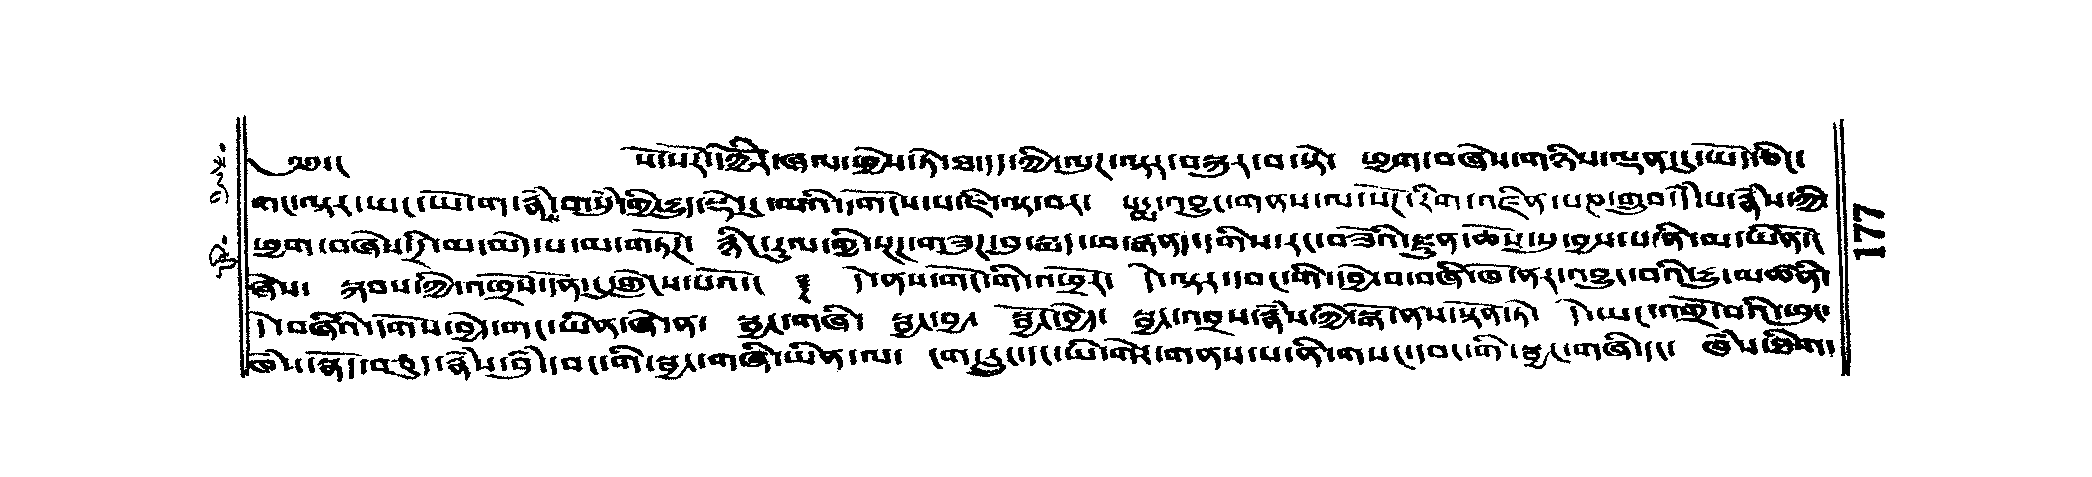སོ་སོར་དཀྱིལ་འཁོར་ཞལ་ཕྱེས་ཏེ་ཐ་དད་ཀྱི་ལུགས་ལྟར་བསྐུར་བ་སྟེ། ཕྱག་བཞེས་གཉིས་ལྡན་དུ་ཡོད་ཅིང་། 
གང་ལྟར་ཡང་ཡོ་ག་རྣམ་གསུམ་གྱི་རྒྱུད་སྡེ་དུ་མའི་དགོངས་པ་ཇི་ལྟ་བར། པདྨ་འབྱུང་གནས་ལ་སོགས་རིག་འཛིན་པཎ་གྲུབ་དམ་པ་རྣམས་ཀྱི་
ཕྱག་བཞེས་དྲི་མ་མེད་པ་མ་གཏོགས། རྙིང་རུལ་གྱི་སྔགས་གཟུགས་བུ་སྨད་ཕ་རྒན་དག་གིས་རང་བཟོའི་རྫུན་ཆོས་སུ་བྱས་པ་ནི་མ་ཡིན་ནོ། 
ཞེས་ སྐབས་ཀྱི་འཕྲོས་དོན་དུ་གླེངས་པའོ།། དེ་ནས་གོང་གི་འཕྲོར་དེ་ལྟར་དབང་གི་དབྱེ་བ་བཞི་ཁོ་ནར་འབྱུང་བའི་རྒྱུ་མཚན་ནི་
དེ་བཞིའི་དགོས་བྱེད་གང་ཡིན་ཞེ་ན། སྦྱང་གཞི། སྦྱང་བྱ། སྦྱོང་བྱེད། སྦྱང་འབྲས་རྣམས་ཀྱི་སྒོ་ནས་སྟོན་ཏེ། དེ་ཡང་འགྲོ་བའི་ཕུང་
ཁམས་སྣོད་བཅུད་རྣམས་བུམ་དབང་གི་སྦྱང་གཞི་ཡིན་ལ། ངག་རླུང་དང་ཡི་གེར་གནས་པ་ནི་གསང་དབང་གི་སྦྱང་གཞི་དང་། ཁམས་ཐིག་